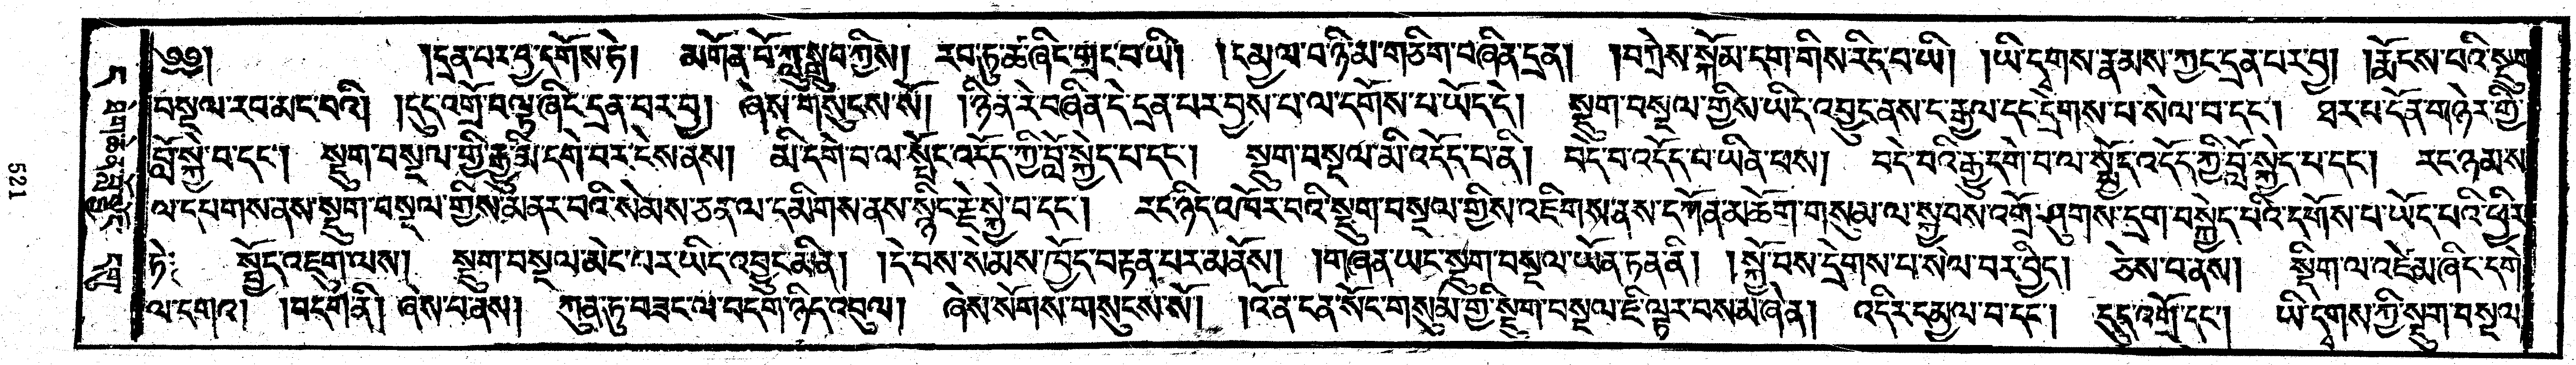༄༅། །དྲན་པར་བྱ་དགོས་ཏེ། མགོན་པོ་ཀླུ་སྒྲུབ་ཀྱིས། རབ་ཏུ་ཚ་ཞིང་གྲང་བ་ཡི། །དམྱལ་བ་ཉི་མ་གཅིག་བཞིན་དྲན། །བཀྲེས་སྐོམ་དག་གིས་རིད་པ་ཡི། །ཡི་དྭགས་རྣམས་ཀྱང་དྲན་པར་བྱ། །རྨོངས་པའི་སྡུག་
བསྔལ་རབ་མང་བའི། །དུད་འགྲོ་བལྟ་ཞིང་དྲན་པར་བྱ། ཞེས་གསུངས་སོ། །ཉིན་རེ་བཞིན་དེ་དྲན་པར་བྱས་པ་ལ་དགོས་པ་ཡོད་དེ། སྡུག་བསྔལ་གྱིས་ཡིད་འབྱུང་ནས་ང་རྒྱལ་དང་དྲེགས་པ་སེལ་བ་དང་། ཐར་པ་དོན་གཉེར་གྱི་
བློ་སྐྱེ་བ་དང་། སྡུག་བསྔལ་གྱི་རྒྱུ་མི་དགེ་བར་ངེས་ནས། མི་དགེ་བ་ལ་སྤོང་འདོད་ཀྱི་བློ་སྐྱེད་པ་དང་། སྡུག་བསྔལ་མི་འདོད་པ་ནི། བདེ་བ་འདོད་པ་ཡིན་པས། བདེ་བའི་རྒྱུ་དགེ་བ་ལ་སྤྱོད་འདོད་ཀྱི་བློ་སྐྱེད་པ་དང་། རང་ཉམས་
ལ་དཔགས་ནས་སྡུག་བསྔལ་གྱིས་མནར་བའི་སེམས་ཅན་ལ་དམིགས་ནས་སྙིང་རྗེ་སྐྱེ་བ་དང་། རང་ཉིད་འཁོར་བའི་སྡུག་བསྔལ་གྱིས་འཇིགས་ནས་དཀོན་མཆོག་གསུམ་ལ་སྐྱབས་འགྲོ་ཤུགས་དྲག་བསྐྱེད་པའི་དགོས་པ་ཡོད་པའི་ཕྱིར་
ཏེ༑ སྦྱོད་འཇུག་ལས། སྡུག་བསྔལ་མེད་པར་ཡིད་འབྱུང་མིན། །དེ་བས་སེམས་ཁྱོད་བརྟན་པར་མནོས། །གཞན་ཡང་སྡུག་བསྔལ་ཡོན་ཏན་ནི། །སྐྱོ་བས་དྲེགས་པ་སེལ་བར་བྱིད། ཅེས་པ་ནས། སྡིག་ལ་འཛེམ་ཞིང་དགེ་
ལ་དགའ། །བདག་ནི། ཞེས་པ་ནས། ཀུན་ཏུ་བཟང་ལ་བདག་ཉིད་འབུལ། ཞེས་སོགས་གསུངས་སོ། །འོ་ན་ངན་སོང་གསུམ་གྱི་སྡུག་བསྔལ་ཇི་ལྟར་བསམ་ཞེ་ན། འདིར་དམྱལ་བ་དང་། དུད་འགྲོ་དང་། ཡི་དྭགས་ཀྱི་སྡུག་བསྔལ་